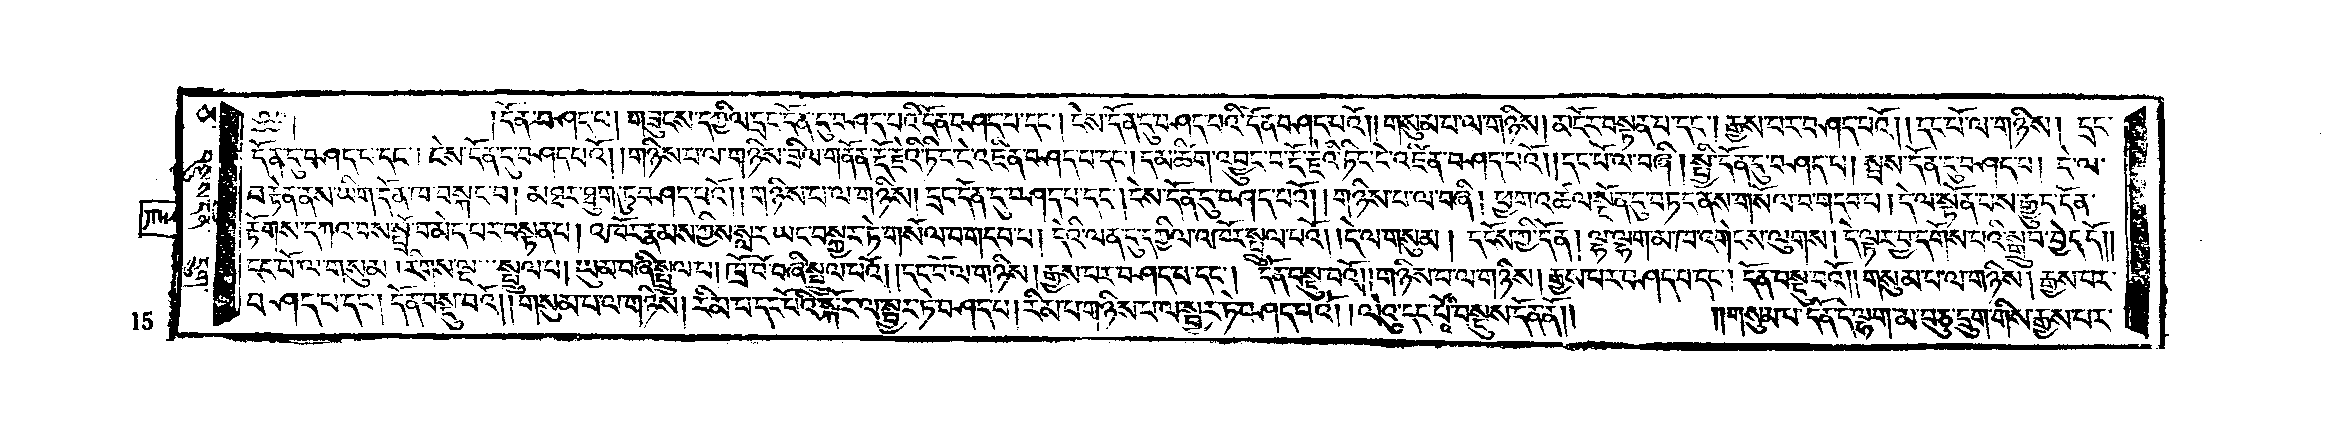༄༅། །དོན་བཤད་པ། གཟུངས་དཀྱིལ་དྲང་དོན་དུ་བཤད་པའི་དོན་བཤད་པ་དང་། ངེས་དོན་དུ་བཤད་པའི་དོན་བཤད་པའོ། །གསུམ་པ་ལ་གཉིས། མདོར་བསྟན་པ་དང་། རྒྱས་པར་བཤད་པའོ། །དང་པོ་ལ་གཉིས། དྲང་
དོན་དུ་བཤད་པ་དང་། ངེས་དོན་དུ་བཤད་པའོ། །གཉིས་པ་ལ་གཉིས་ཟིལ་གནོན་རྡོ་རྗེའི་ཏིང་ངེ་འཛིན་བཤད་པ་དང་། དམ་ཚིག་འབྱུང་བ་རྡོ་རྗེའི་ཏིང་ངེ་འཛིན་བཤད་པའོ། །དང་པོ་ལ་བཞི། སྤྱི་དོན་དུ་བཤད་པ། སྦས་དོན་དུ་བཤད་པ། དེ་ལ་
བརྟེན་ནས་ཡིག་དོན་ཁ་བསྐང་བ། མཐར་ཐུག་ཏུ་བཤད་པའོ། །གཉིས་པ་ལ་གཉིས། དྲང་དོན་དུ་བཤད་པ་དང་། ངེས་དོན་དུ་བཤད་པའོ། །གཉིས་པ་ལ་བཞི། ཕྱག་འཚལ་སྔོན་དུ་བཏང་ནས་གསོལ་བ་གདབ་པ། དེ་ལ་སྟོན་པས་རྒྱུད་དོན་
རྟོགས་དཀའ་བས་སྤྲོ་བ་མེད་པར་བསྟན་པ། འཁོར་རྣམས་ཀྱིས་སླར་ཡང་བསྐྱར་ཏེ་གསོལ་བ་གདབ་པ། དེའི་ལན་དུ་དཀྱིལ་འཁོར་སྤྲུལ་པའོ། །དེ་ལ་གསུམ། དངོས་ཀྱི་དོན། ལྷ་ལྷག་མ་ཁ་འགེངས་ལུགས། དེ་ལྟར་བྱ་དགོས་པའི་སྒྲུབ་བྱེད་དོ། །
དང་པོ་ལ་གསུམ་།རིགས་ལྔ་སྤྲུལ་པ། ཡུམ་བཞི་སྤྲུལ་པ། ཁྲོ་བོ་བཞི་སྤྲུལ་པའོ། །དང་པོ་ལ་གཉིས། རྒྱས་པར་བཤད་པ་དང་། དོན་བསྡུ་བའོ། །གཉིས་པ་ལ་གཉིས། རྒྱས་པར་བཤད་པ་དང་། དོན་བསྡུ་བའོ། །གསུམ་པ་ལ་གཉིས། རྒྱས་པར་
བཤད་པ་དང་། དོན་བསྡུ་བའོ། །གསུམ་པ་ལ་གཉིས། རིམ་པ་དང་པོའི་སྐོར་ལ་སྦྱར་ཏེ་བཤད་པ། རིམ་པ་གཉིས་པ་ལ་སྦྱར་ཏེ་བཤད་པའོ། །ལེའུ་དང་པོའི་བསྡུས་དོན་ནོ།། །།གསུམ་པ་དོན་དེ་ལྷག་མ་བཅུ་དྲུག་གིས་རྒྱས་པར་